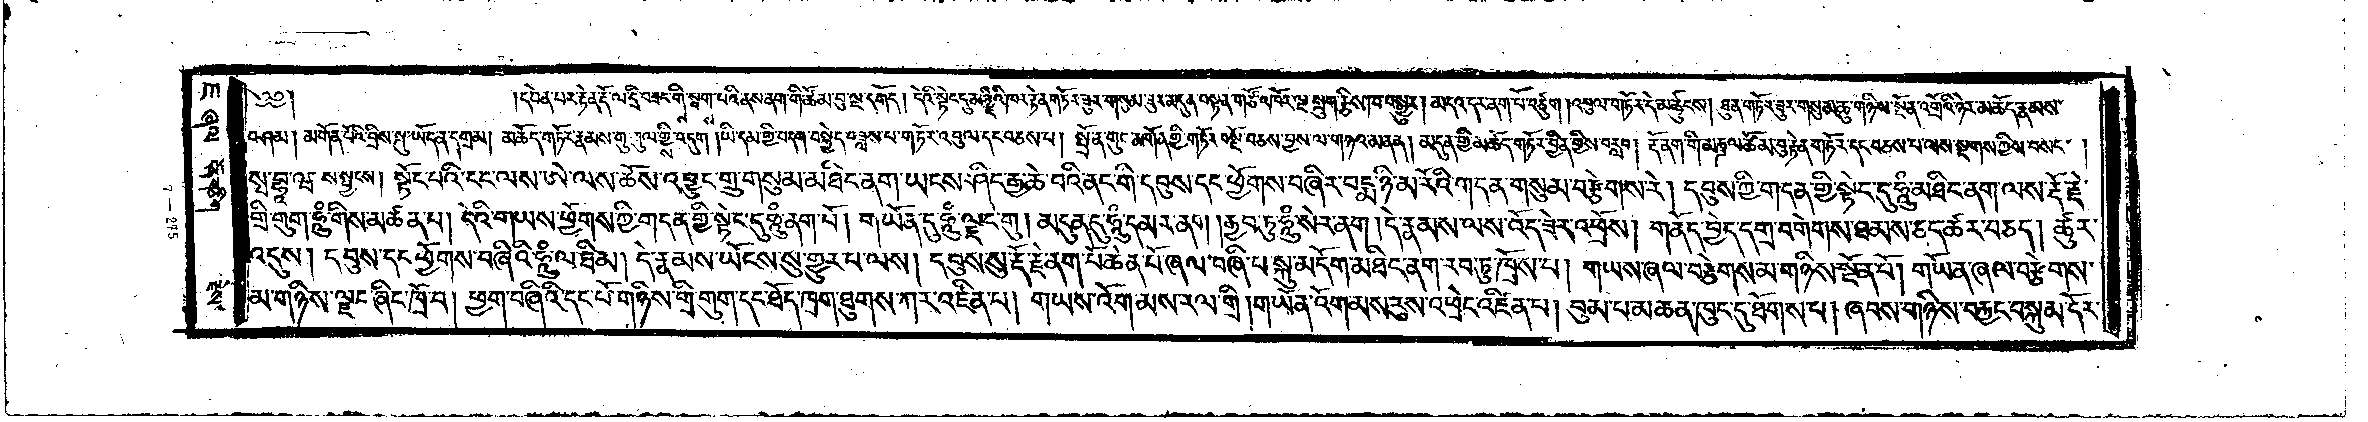༄༅། །དབེན་པར་རྟེན་རྡོ་ལ་དྲིལ་བཟང་གིས་སྦག་པའི་ནས་ནག་གི་ཚོམ་བུ་ལྔ་དགོད། དེའི་སྟེང་དུ་མཉྫིའི་ཁར་རྟེན་གཏོར་ཟུར་གསུམ་ཟུར་མདུན་བསྟན་གཙོ་འཁོར་ལྔ་སྨུག་རྩིས་ཁ་བསྒྱུར། མདའ་དར་ནག་པོ་བཙུག །འབུལ་གཏོར་དེ་མཚུངས། ཐུན་གཏོར་ཟུར་གསུམ་ཆུ་གཉིས་སྔོན་འགྲོའི་ཉེར་མཆོད་རྣམས་
བཏམ། མགོན་པོའི་བྲིས་སྐུ་ཡོད་ན་དགྲམ། མཆོད་གཏོར་རྣམས་གུ་གུལ་གྱིས་བདུག །ཡི་དམ་གྱི་བདག་བསྐྱེད་བཟླས་བ་གཏོར་འབུལ་དང་བཅས་པ། སྤྲོན་གུར་མགོན་གྱི་གཏོར་བསྔོ་བཅས་བྱས་ལ་གཉའ་མནན། མདུན་གྱི་མཆོད་གཏོར་བྱིན་གྱིས་བརླབ། རྡོ་ནག་གི་མཎྜལ་ཚོམ་བུ་རྟེན་གཏོར་དང་ཅས་པ་ལས་སྔགས་ཀྱིས་བསང་།
སྭབྷཱ་ཝ། སྟོང་པའི་ངང་ལས་ཨེ་ལས་ཆོས་འབྱུང་གྲུ་གསུམ་མཐིང་ནག་ཡངས་ཤིང་རྒྱ་ཆེ་བའི་ནང་དུ་དབུས་དང་ཕྱོགས་བཞིར་པདམ་ཉེ་མ་རོའི་གདན་གསུམ་བརྩེགས་རེ། དབུས་ཀྱི་གདན་གྱི་སྟེང་དུ་ཧཱུཾ་མཐིང་ནག་ལས་རྡོ་རྗེ་
གྲི་གུག་ཧཱུཾ་གིས་མཚན་པ། དེའི་གཡས་ཕྱོགས་ཀྱི་གདན་གྱི་སྟེང་དུ་ཧཱུམ་ནག་པོ། གཡོན་དུ་ཧཱུཾ་ལྗང་གུ། མདུན་དུ་ཧཱུཾ་དམར་ནག །རྒྱབ་ཏུ་ཧཱུཾ་སེར་ནག །དེ་རྣམས་ལས་འོད་ཟེར་འཕྲོས། གནོད་བྱེད་དགྲ་བགེགས་ཐམས་ཅད་ཚར་བཅད། ཚུར་
འདུས། དབུས་དང་ཕྱོགས་བཞིའི་ཧཱུཾ་ལ་ཐིམ། དེ་རྣམས་ཡོངས་སུ་གྱུར་པ་ལས། དབུས་སུ་རྡོ་རྗེ་ནག་པོ་ཆེན་པོ་ཞལ་བཞི་པ་སྐུ་མདོག་མཐིང་ནག་རབ་ཏུ་ཁྲོས་པ། གཡས་ཞལ་བརྩེགས་མ་གཉིས་སྔོན་པོ། གཡོན་ཞལ་བརྩེགས་
མ་གཉིས་ལྗང་ཞིང་ཁྲོ་བ། ཕྱག་བཞིའི་དང་པོ་གཉིས་གྲི་གུག་དང་ཐོད་ཁྲག་ཐུགས་ཀར་འཛིན་པ། གཡས་འོག་མས་རལ་གྲི། གཡོན་འོག་མས་རུས་འཕྲེང་འཛིན་པ། བུམ་པ་མཆན་ཁུང་དུ་ཐོགས་པ། ཞབས་གཉིས་བརྐྱང་བསྐུམ་དོར་